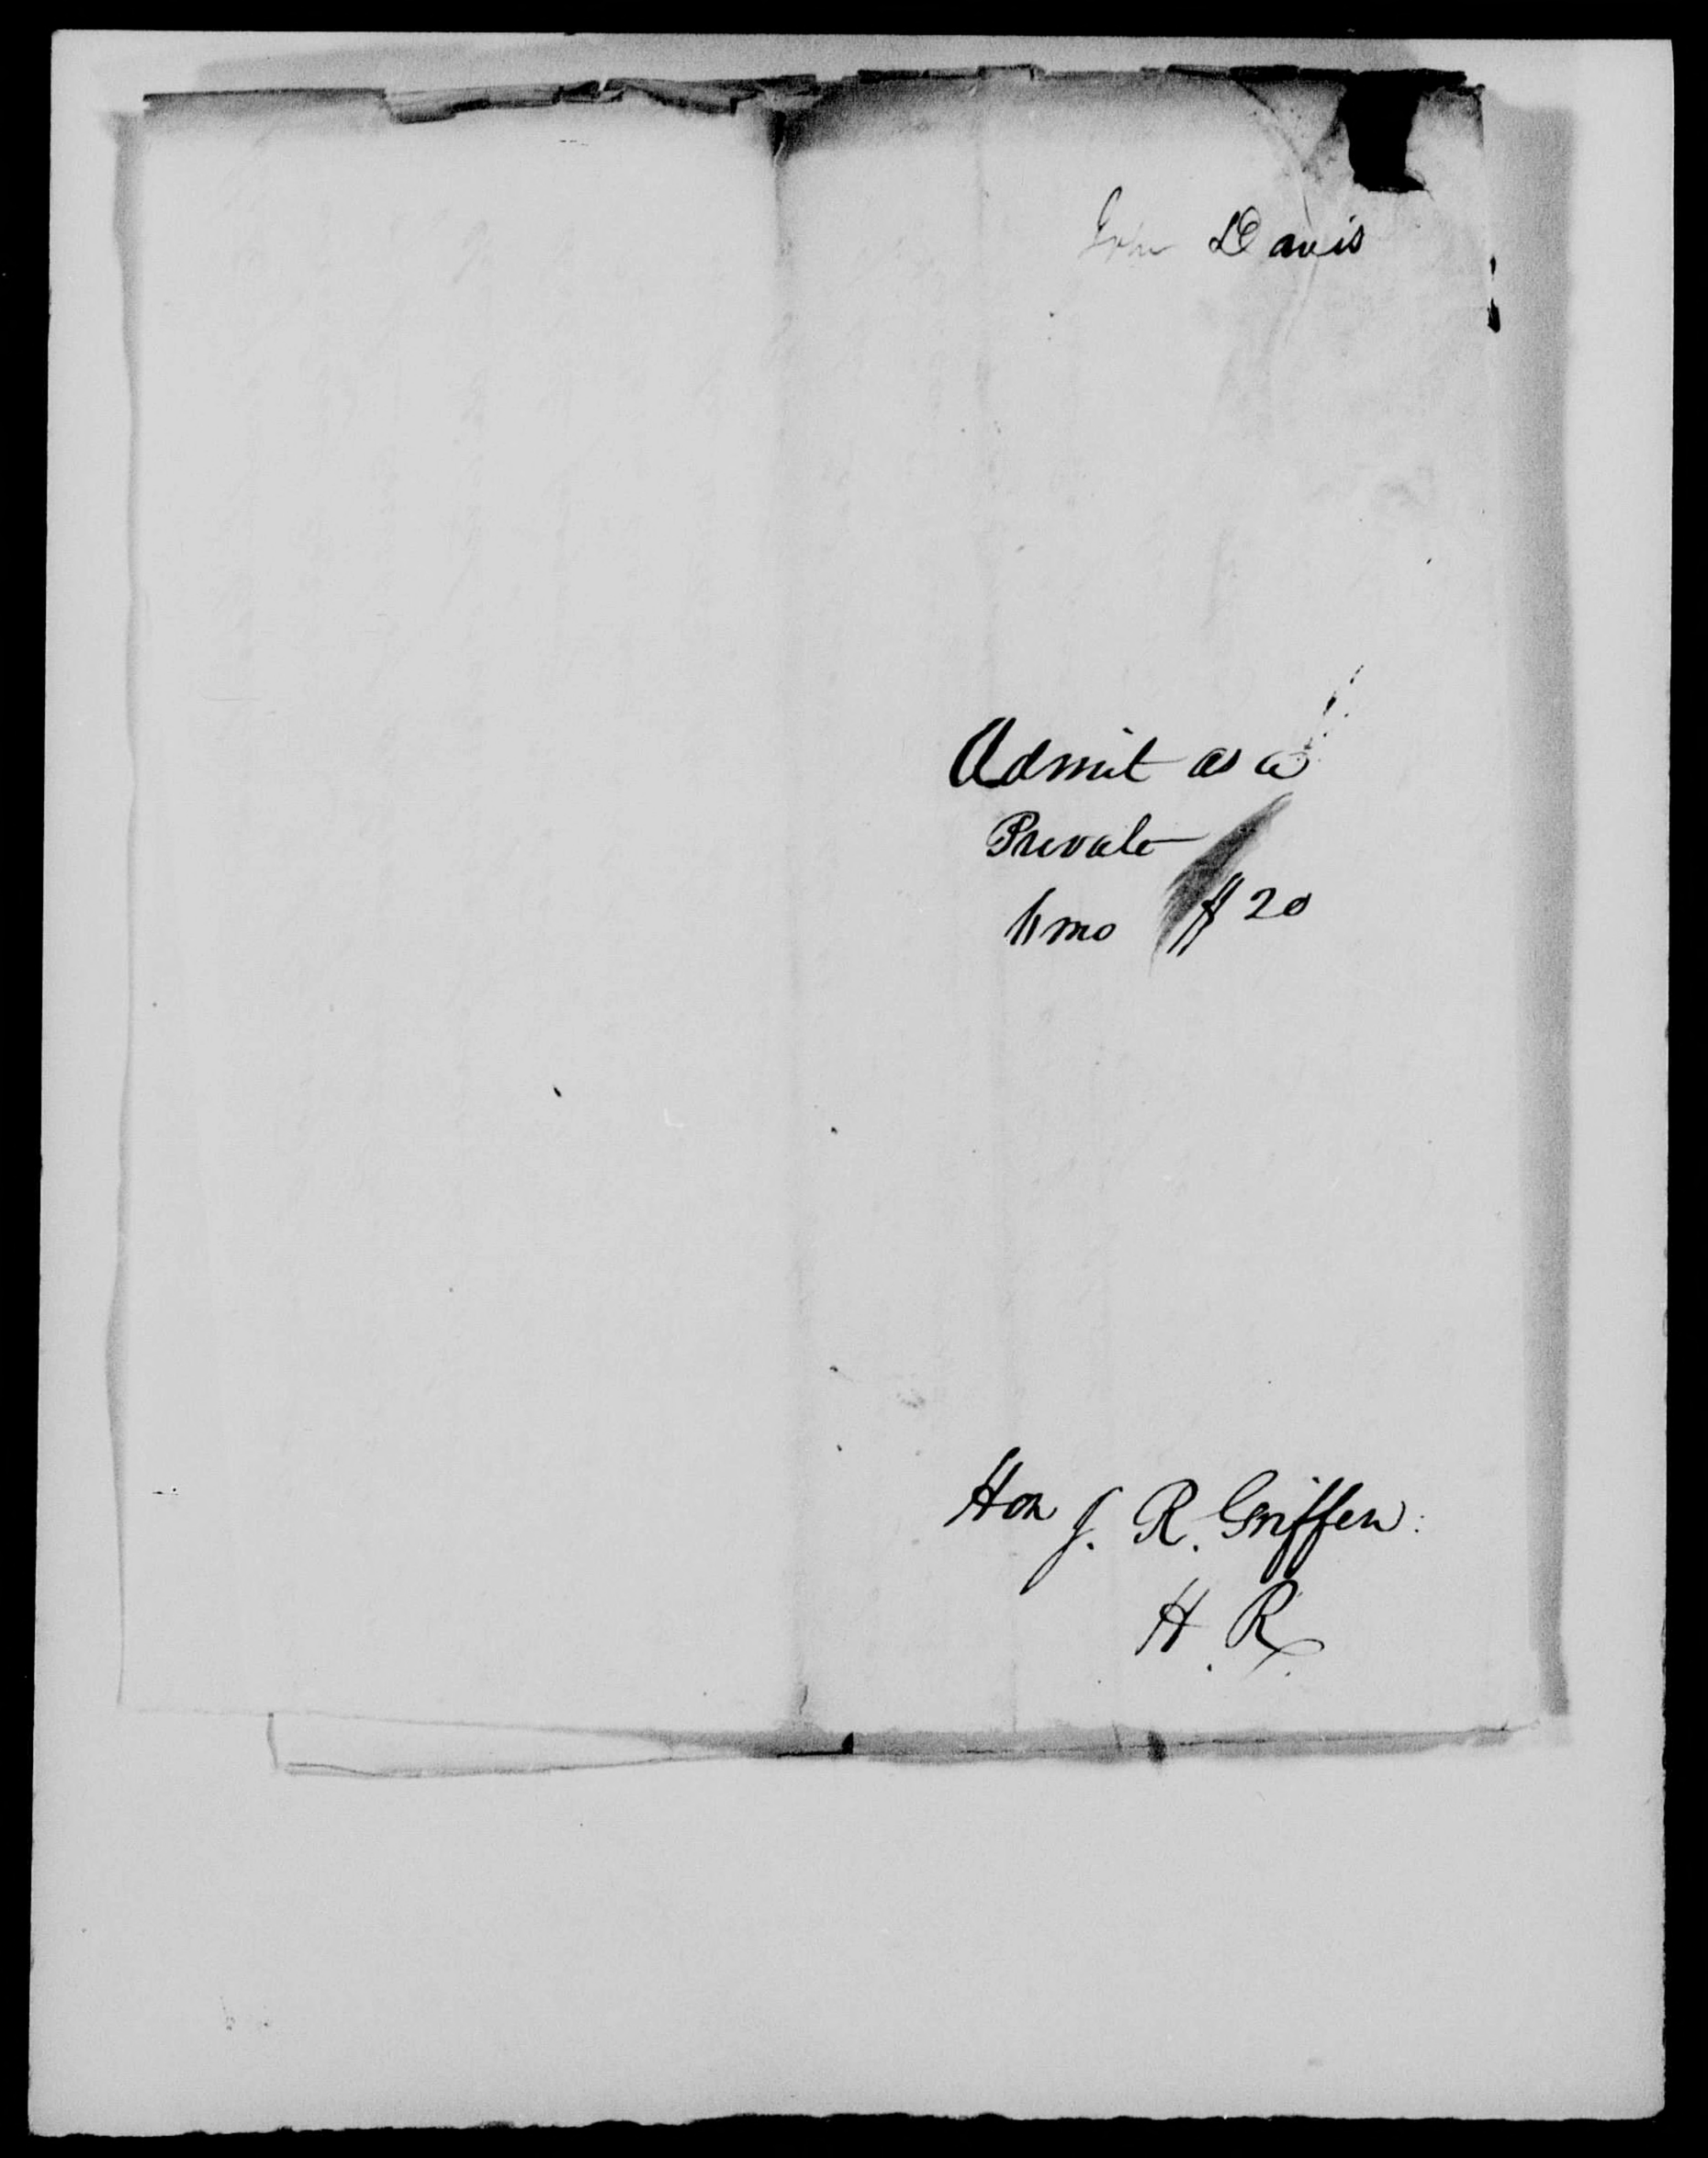John Davis
Admit as a
Private
6 mo $20


Hon J. R. Griffen
H.R.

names: John Davis, J R Griffen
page: 12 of 13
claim: survivor's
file: S. 21,725, John Davis, S.C.